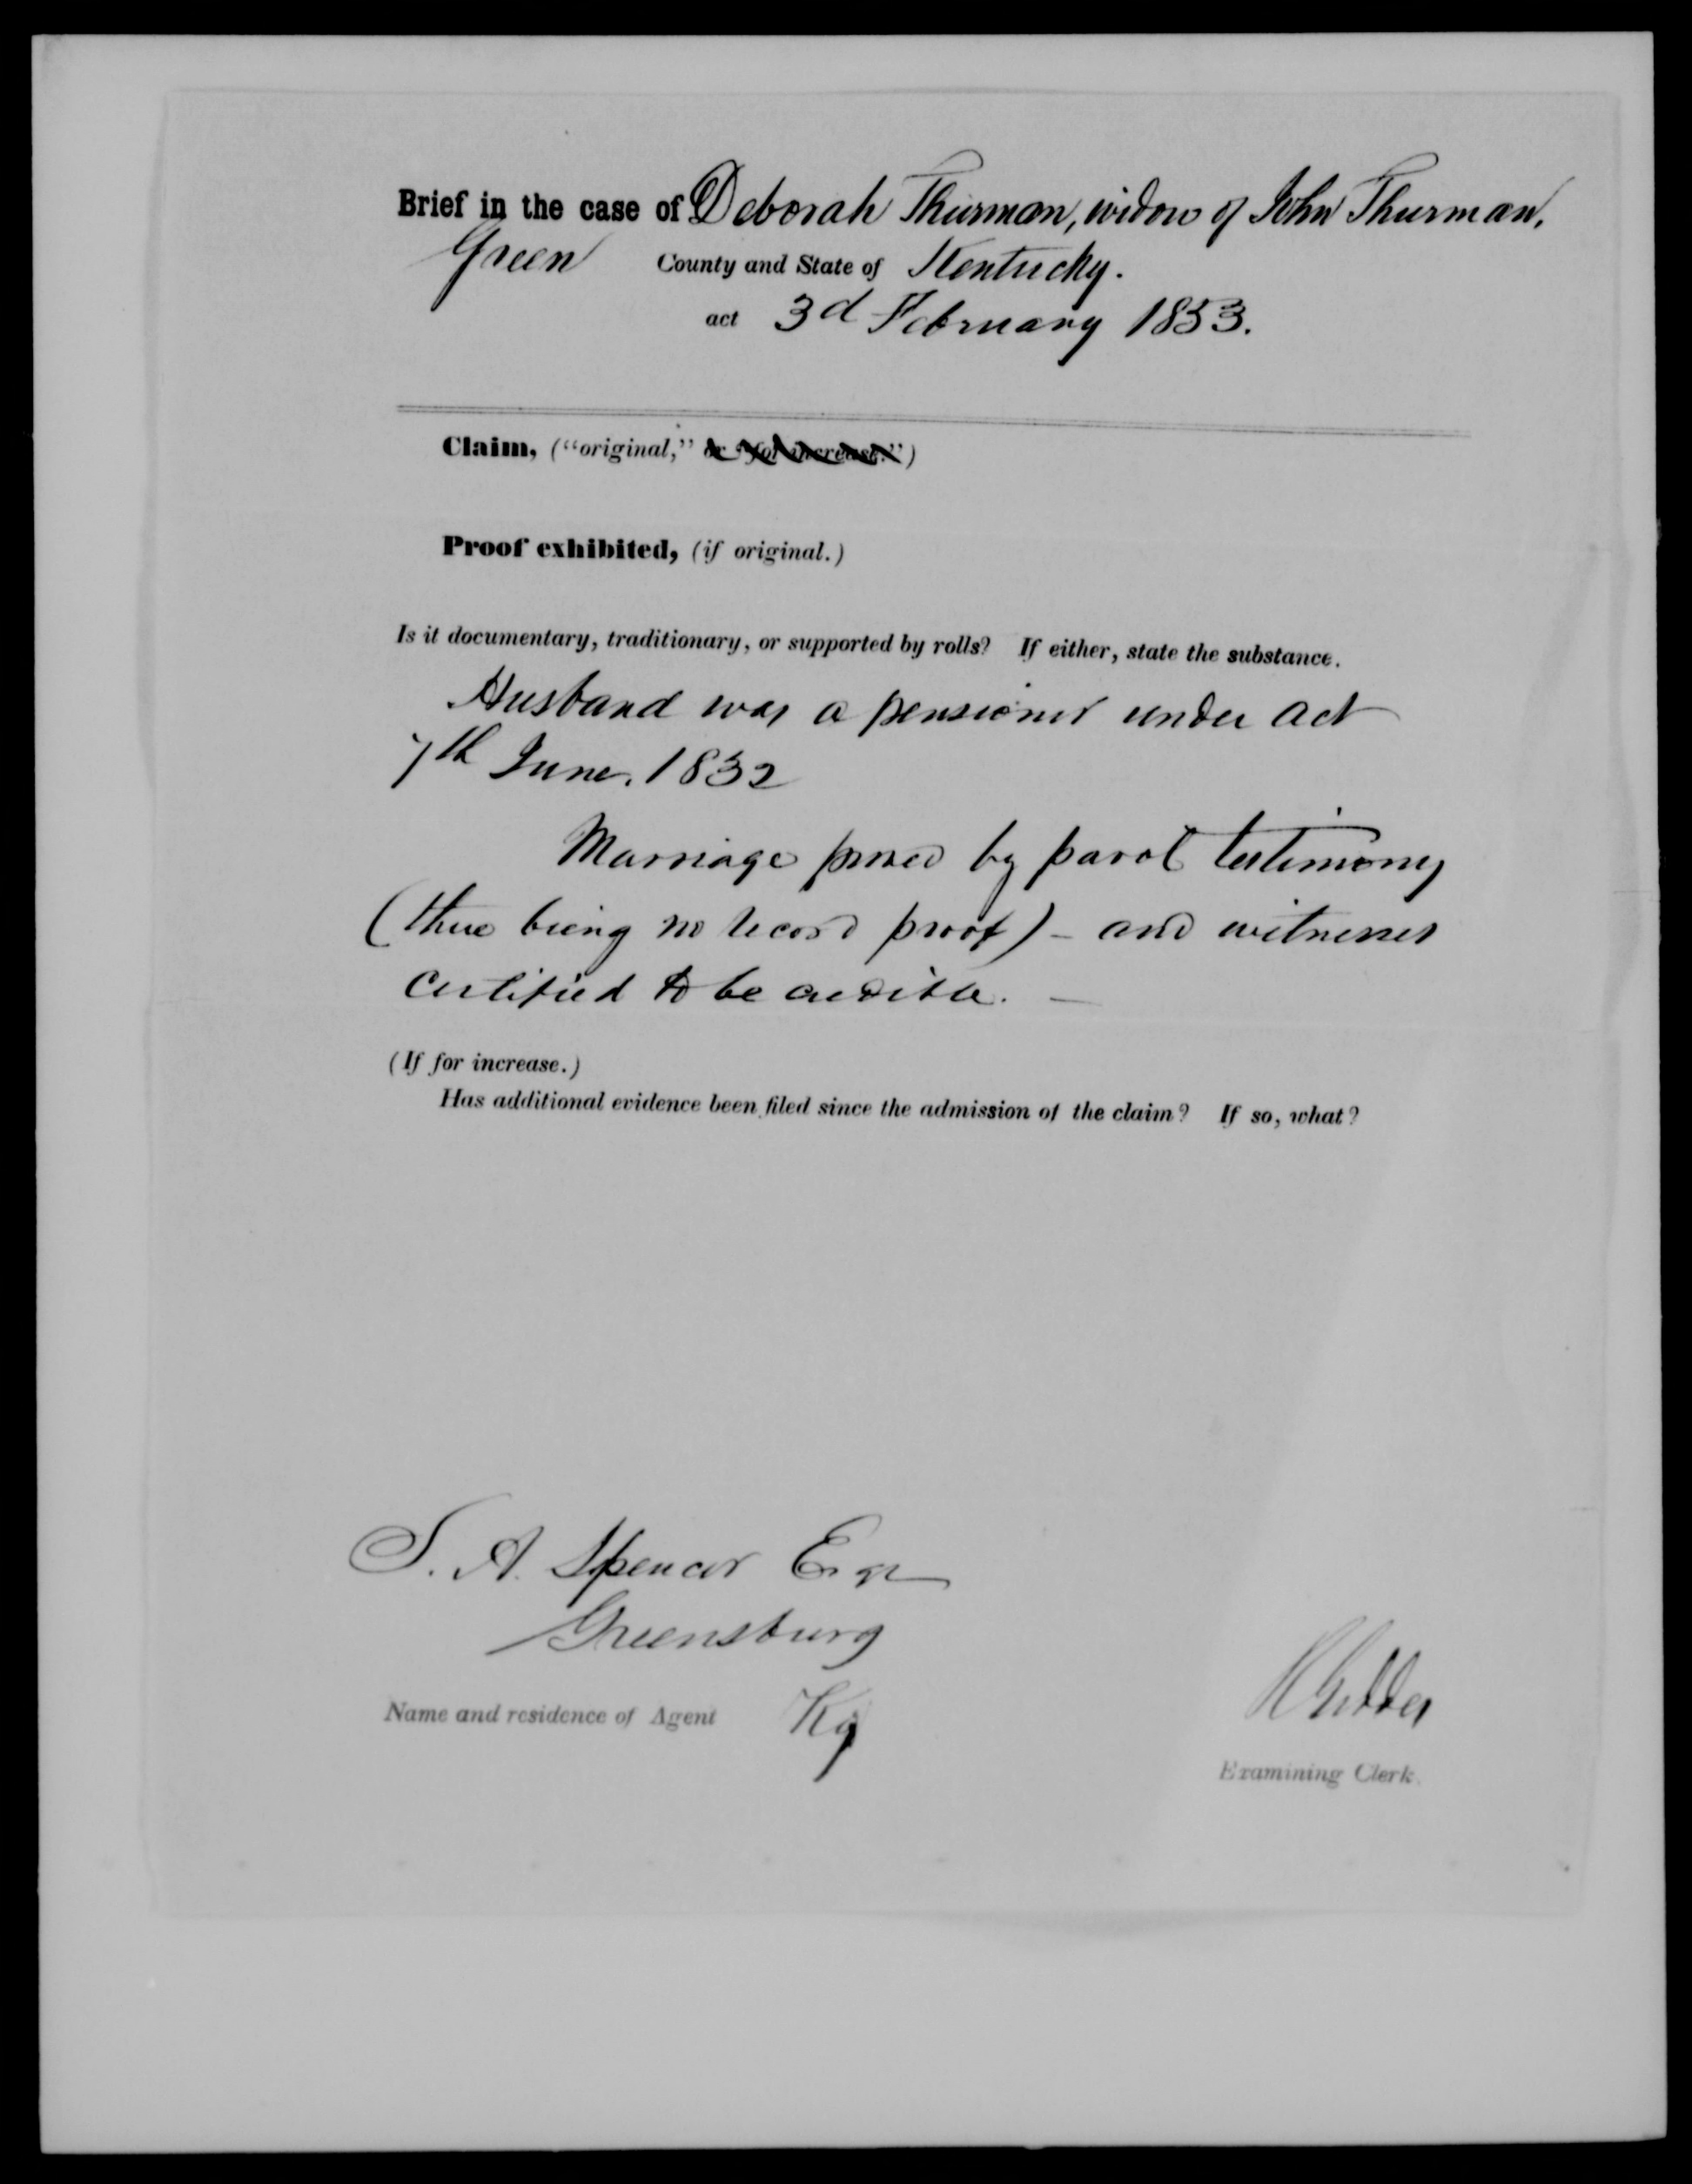Brief in the case of Deborah Thurman , widow of John Thurman, Green County and State of Kentucky. act 3rd February 1853. 
Claim ("original," [or "for increase."][crossed out]  Proof exhibited , (if original.) Is it documentary, traditionary , or supported by rolls? If either, state the substance. Husband was a Pensioner under Act 7th June. 1832. Marriage proved by parol testimony (there being no record proof) - and witnesses certified to be credible.  (If for increase.) Has additional evidence been filed since the admission of the claim? If so, what?     
R Gidder Examining Clerk.  
S,A, Spencer Esqr 
Greensburg 
Name and residence of Agent Ky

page: 32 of 53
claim: widow's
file: W. 6,267, for John Thurman, Georgia